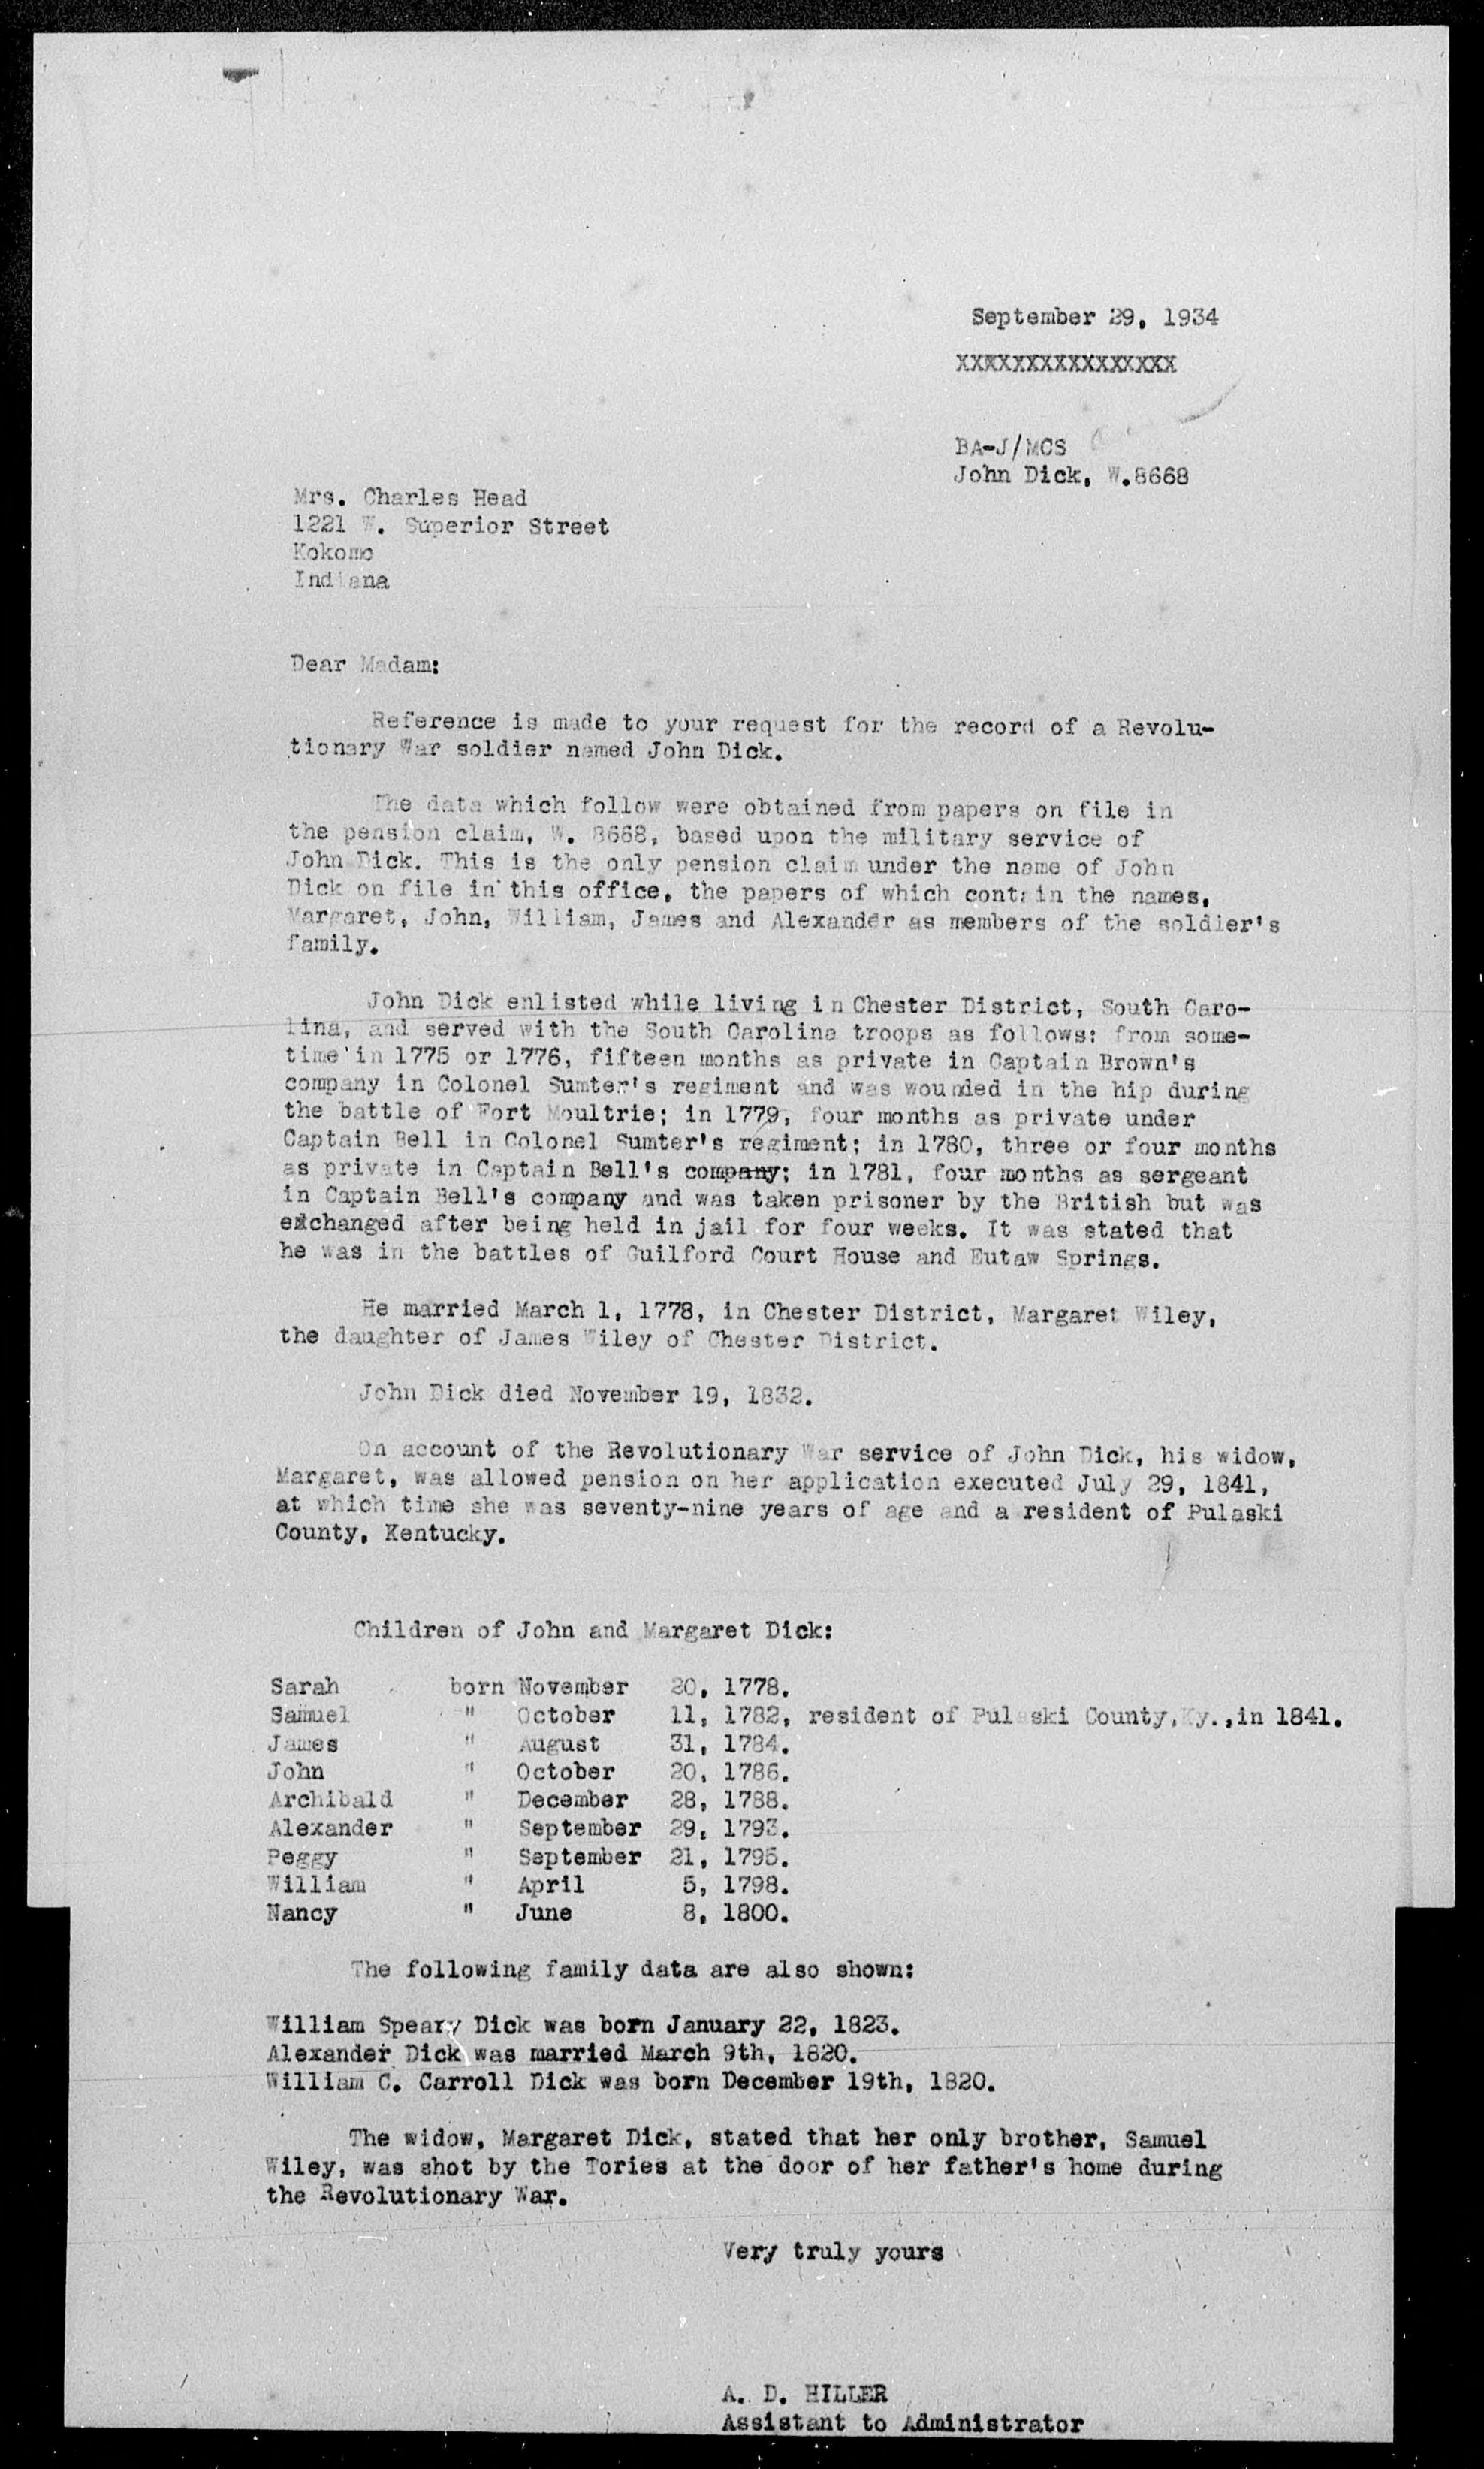September 29, 1934 XXXXXXXXXXXXXXXX BA-J/MCS John Dick, W.8668 
Mrs. Charles Head 1221 W. Superior Street Kokome Indiana 
Dear Madam: Reference is made to your request for the record of a Revolutionary War soldier named John Dick. The data which follow were obtained from papers on file in the pension claim, W. 8668, based upon the military service of John Dick. This is the only pension claim under the name of John Dick on file in this office, the papers of which contain the names, Margaret, John, William, James and Alexander as members of the soldier's family. 
John Dick enlisted while living in Chester District, South Carolina , and served with the South Carolina troops as follows: from sometime in 1775 or 1776, fifteen months as private in Captain Brown's company in Colonel Sumter's regiment and was wounded in the hip during the battle of Fort Moultrie; in 1779, four months as private under Captain Bell in Colonel Sumter's regiment; in 1780, three or four months as private in Captain Bell's company; in 1781, four months as sergeant in Captain Bell's company and was taken prisoner by the British but was exchanged after being held in jail for four weeks. It was stated that he was in the battles of Guilford Court House and Eutaw Springs. He married March 1, 1778, in Chester District, Margaret Wiley, the daughter of James Wiley of Chester District.
 John Dick died November 19, 1832. 
On account of the Revolutionary War service of John Dick, his widow, Margaret, was allowed pension on her application executed July 29, 1841, at which time she was seventy-nine years of age and a resident of Pulaski County, Kentucky. 
Children of John and Margaret Dick;
Sarah born November 20, 1778
Samuel "October 11, 1782, resided of Pulaski County Ky., in 1841
James " August 31, 1784
John " October 20, 1786
Archibald " December 28, 1788
Alexander " September 29, 1793
Peggy " September 21, 1795
William " April 5, 1798
Nancy " June 8, 1800
The following family data are also shown: William Speary Dick was born January 22, 1823. Alexander Dick was married March 9th, 1820. William C. Carroll Dick was born December 19th, 1820. 
The widow, Margaret Dick, stated that her only brother, Samuel Wiley, was shot by the Tories at the door of her father's home during the Revolutionary War. Very truly yours A. D. HILLER Assistant to Administrator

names: John Dick, Margaret, James, John Dick, Margaret, John Dick, James Wiley, Margaret Dick, John, Alexander, Nancy, John, Peggy, John Dick, Bell, William, Alexander, Charles Head, Sarah, William C Carroll Dick, John Dick, William Speary Dick, Margaret Wiley, Margaret Dick, John Dick, John Dick, Samuel, A D Hiller, Samuel Wiley, James, James, Archibald, Alexander Dick, John Dick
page: 29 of 31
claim: widow's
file: W. 8668, John Dick, S C